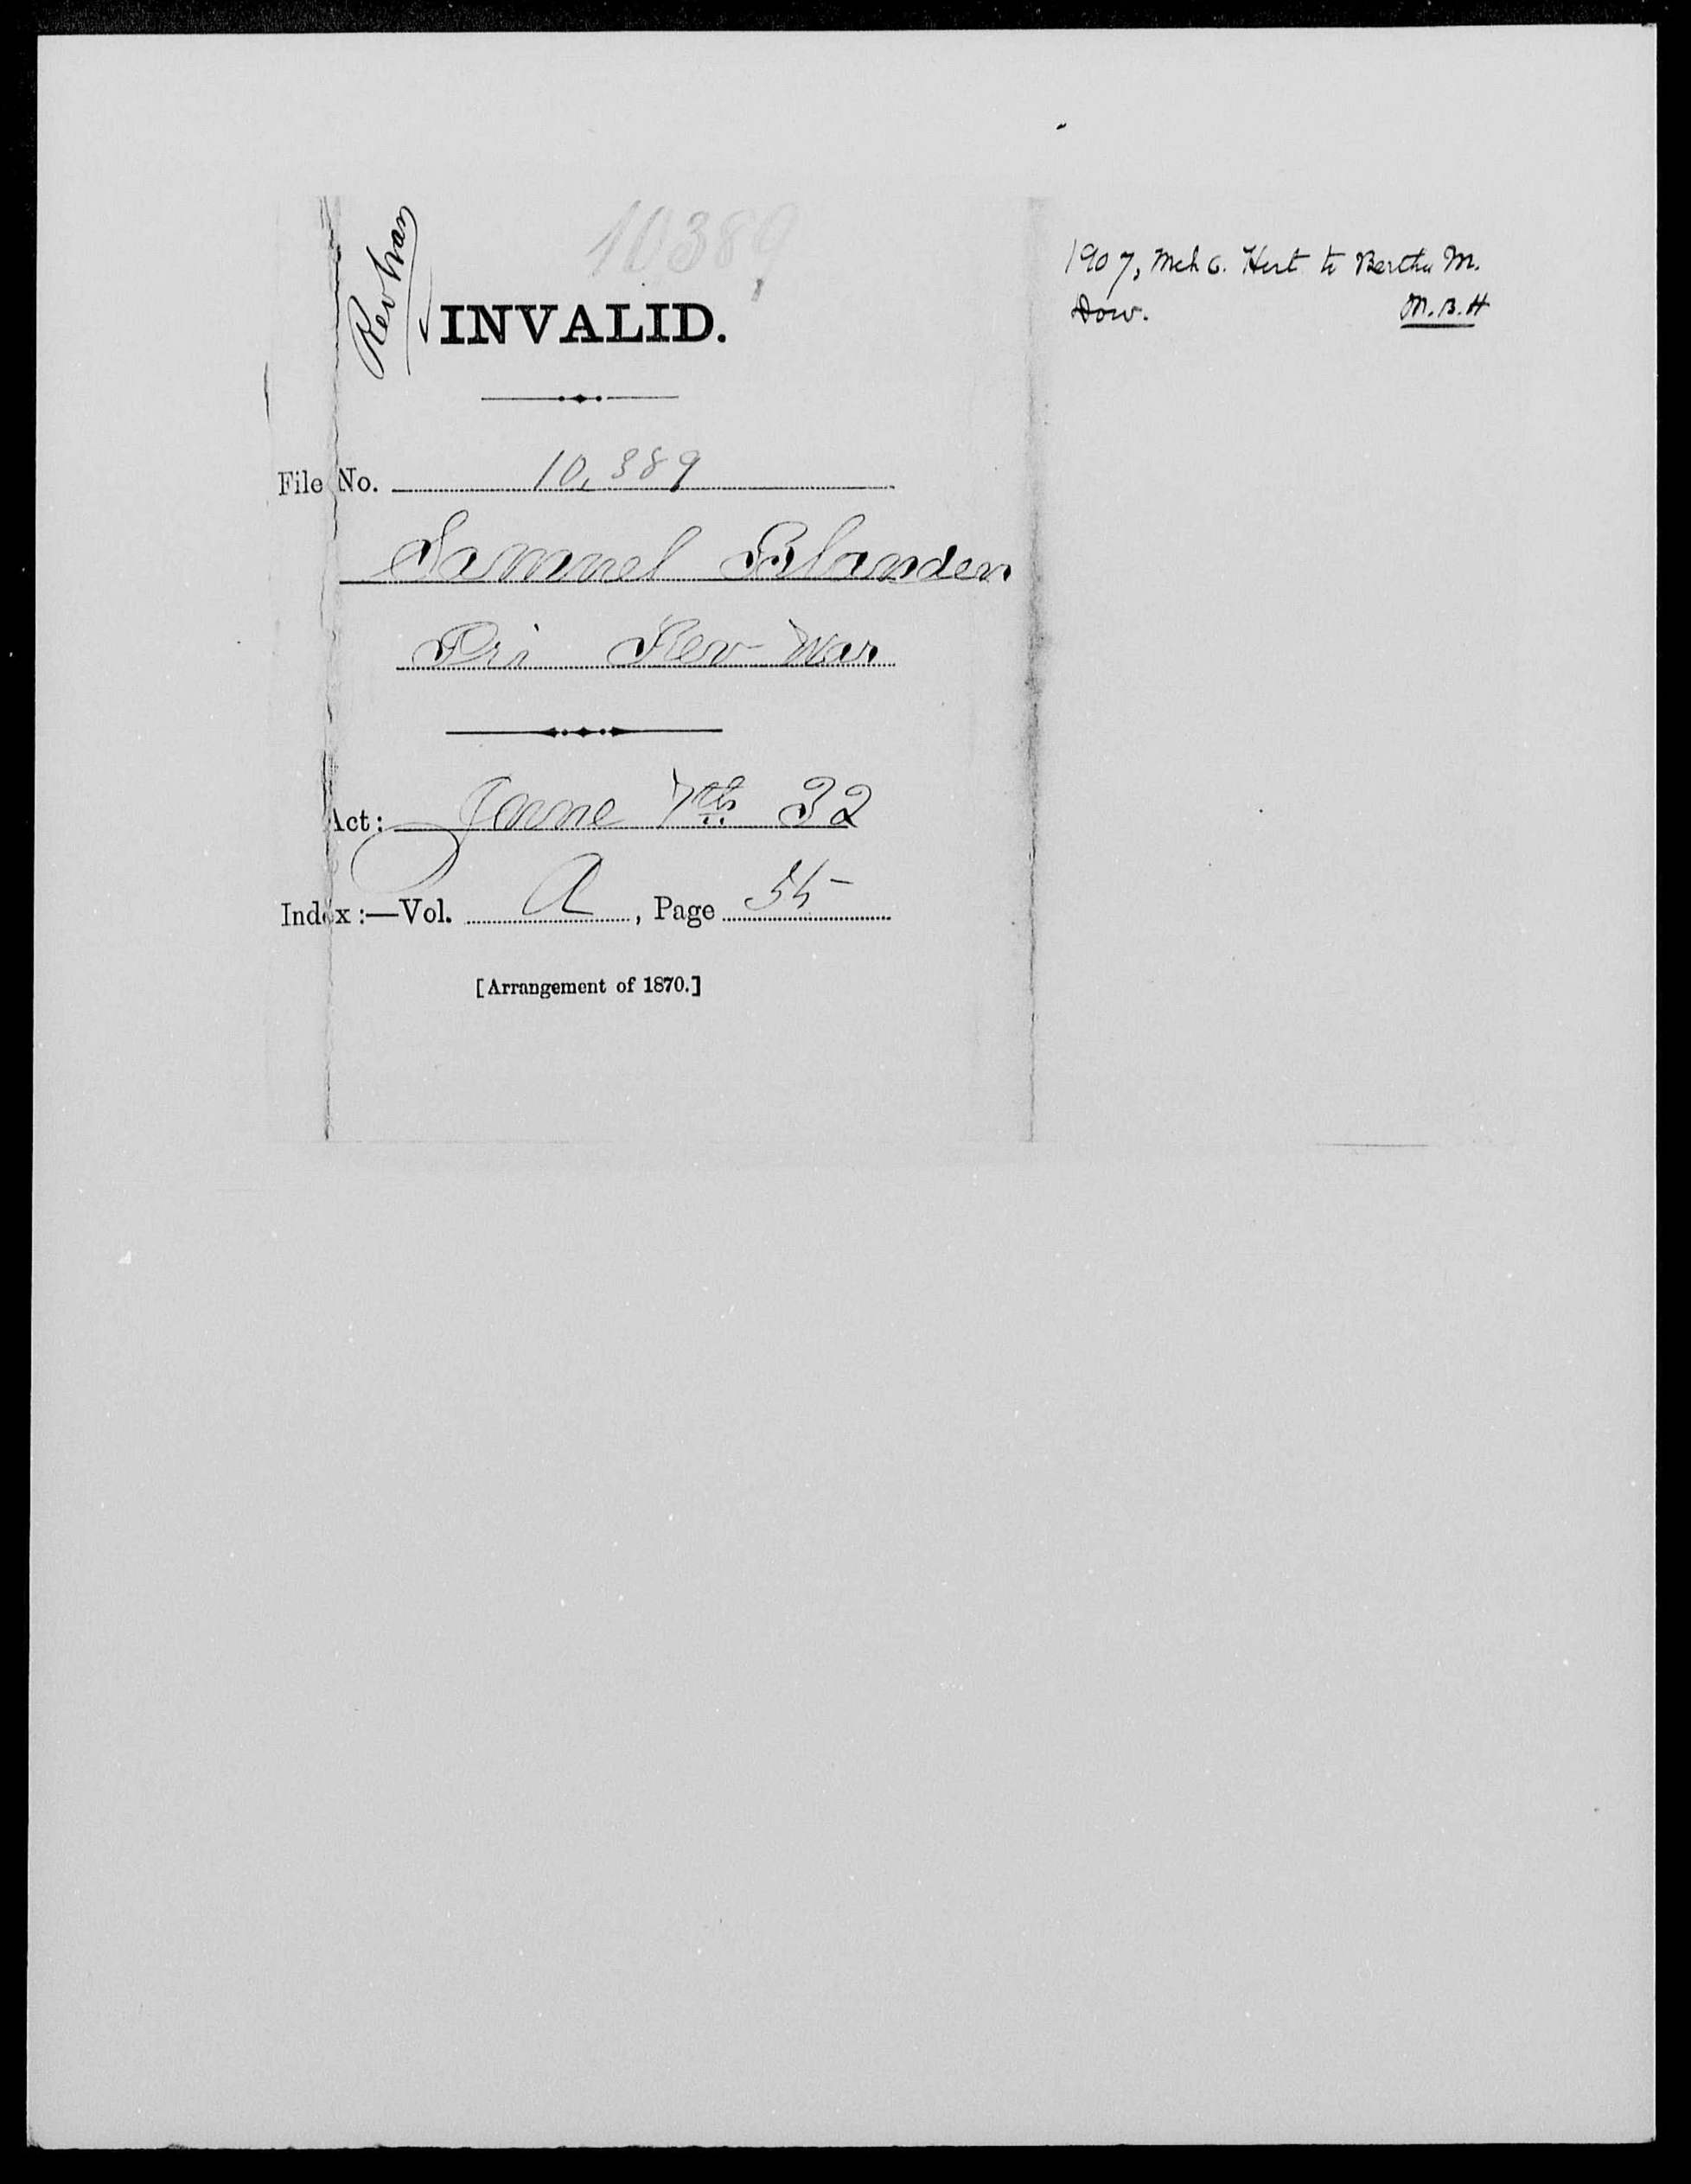left column
Rev War
10389
INVALID.
-----
File No. 10,389
Samuel Blanden
Pri Rev War
-----
Act: June 7th 32
Index:--Vol. A, Page 55

[Arrangement of 1870.]

right column
1907, Mch 6. Histo to Bertha M. Dow
M.B.H.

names: Bertha M Dow, Samuel Blanden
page: 12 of 14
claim: survivor's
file: S. 10389, Samuel Blanden, Conn. Mass